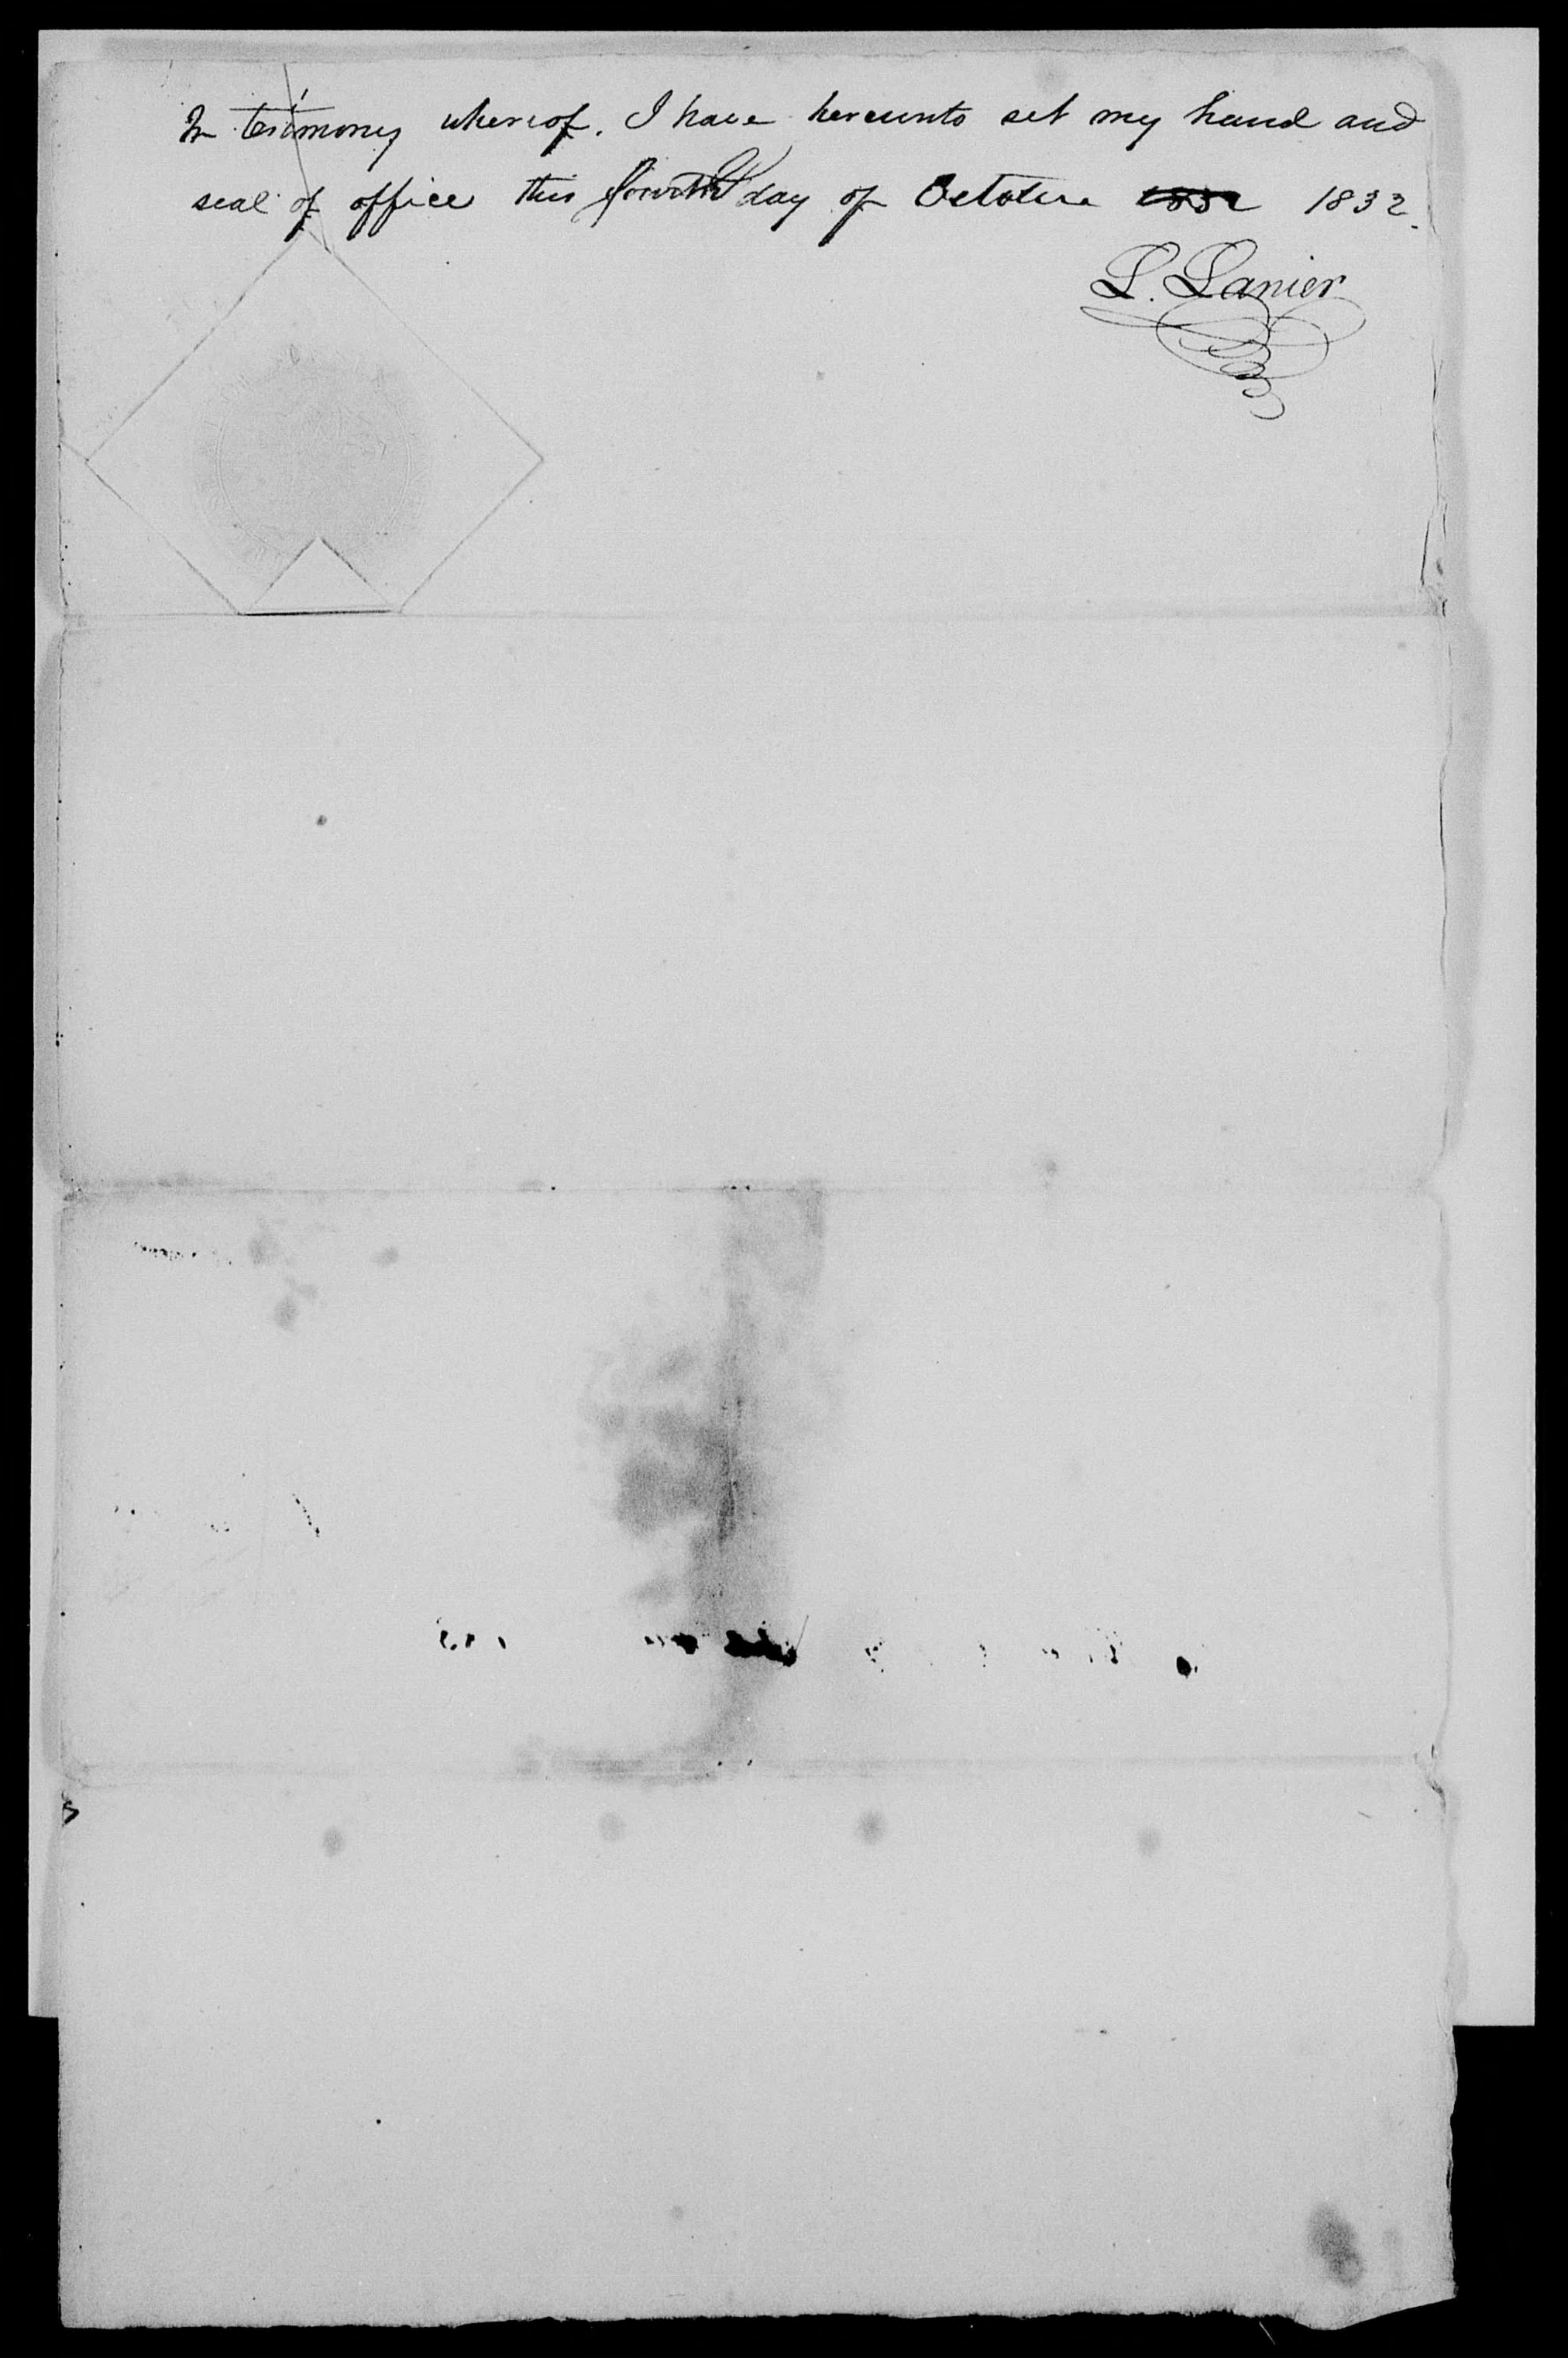In testimony whereof I have hereunto set my hand and seal of office this fourth day of October 1832 [crossed out] 1832.
L. Lanier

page: 5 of 13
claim: rejected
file: R. 6753, for Lathlin Mc Kinnon, Pennsylvania